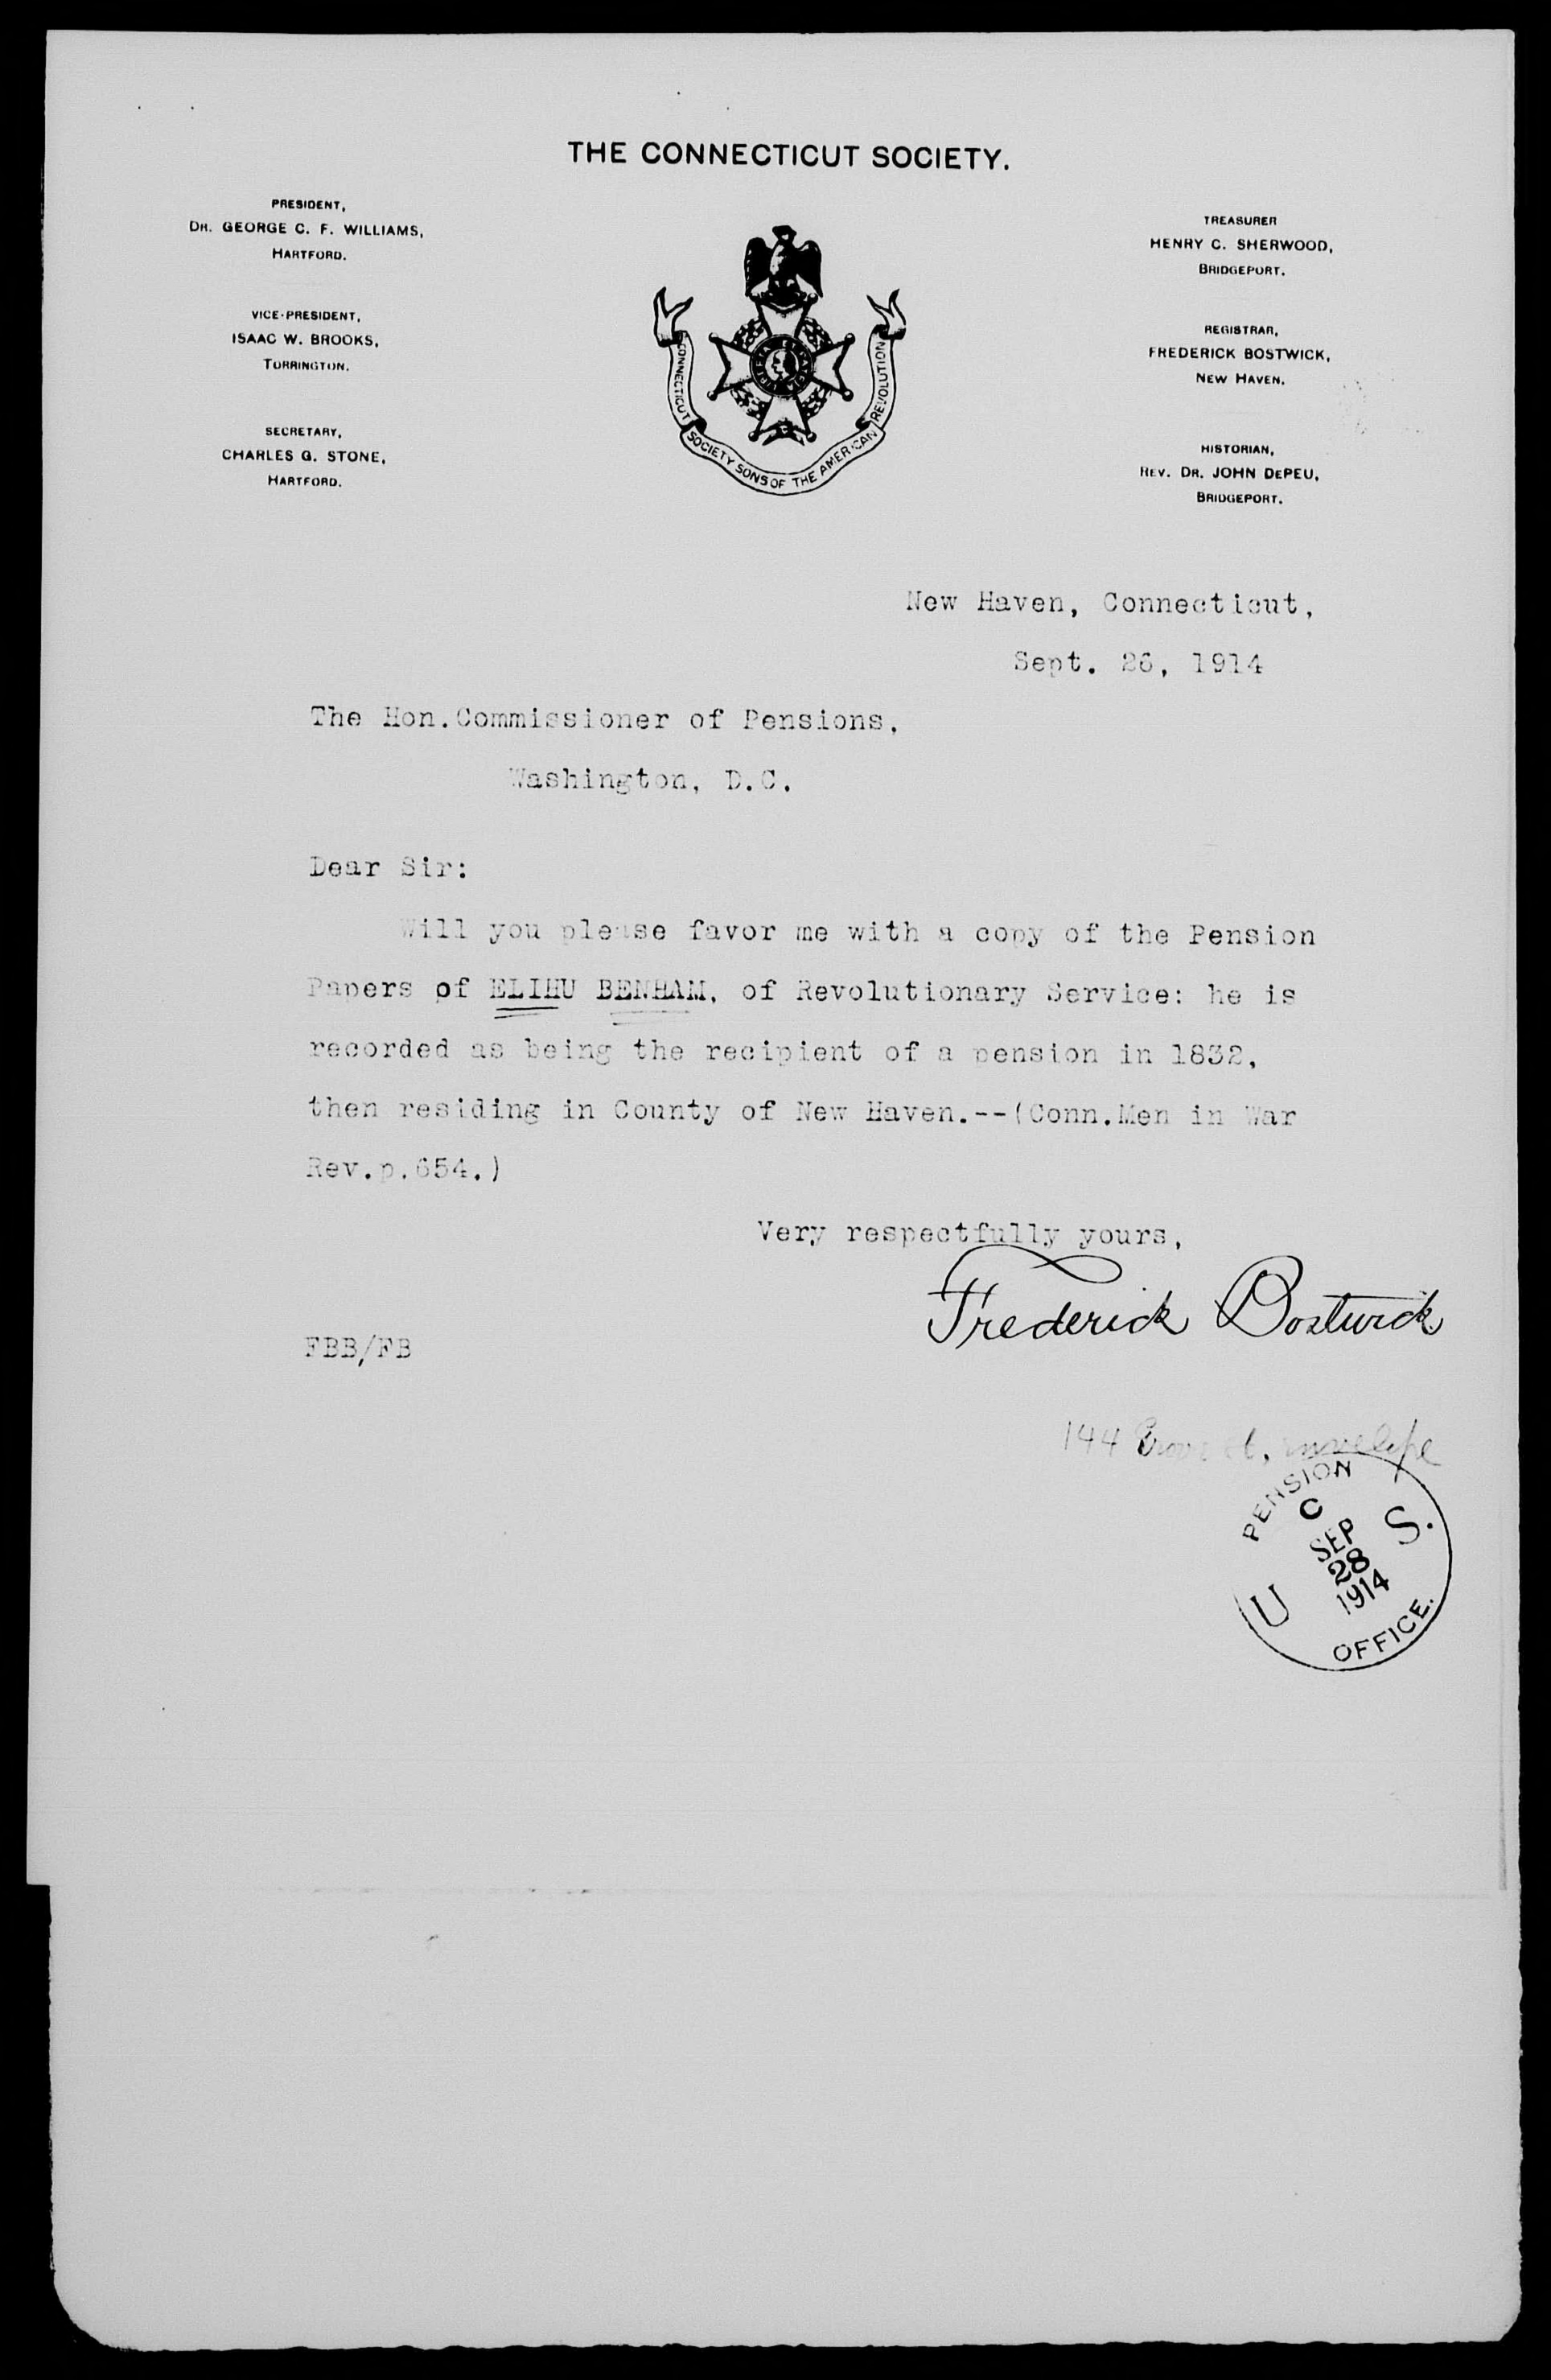PRESIDENT. Dr. GEORGE C. F. WILLIAMS, HARTFORD. VICE PRESIDENT. ISAAC W. BROOKS. TORRINGTON. BECRETARY. CHARLES G. STONE. HARTFORD. THE CONNECTICUT SOCIETY. ℗ TREASURER HENRY C. SHERWOOD. BRIDGEPORT. REGISTRAR. FREDERICK BOSTWICK. NEW HAVEN, HISTORIAN. REV. DR. JOHN DEPEU, BRIDGEPORT.

New Haven, Connecticut, Sept. 26, 1914 

The Hon. Commissioner of Pensions, Washington, D.C. 
Dear Sir: 
Will you please favor me with a copy of the Pension Papers of ELIHU BENHAM, of Revolutionary Service: he is recorded as being the recipient of a pension in 1832, then residing in County of New Haven. -- (Conn. Men in War Rev. p. 654,) FBB FB Very respectfully yours Frederick Bostwick 

[U.S. Pension Office stamp SEP 28 1914]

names: Charles G Stone, Henry C Sherwood, Frederick Bostwick, George C F Williams, John Depeu, Elihu Benham, Frederick Bostwick, Isaac W Brooks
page: 39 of 45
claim: survivor's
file: S. 15748, Elihu Benham, Conn.